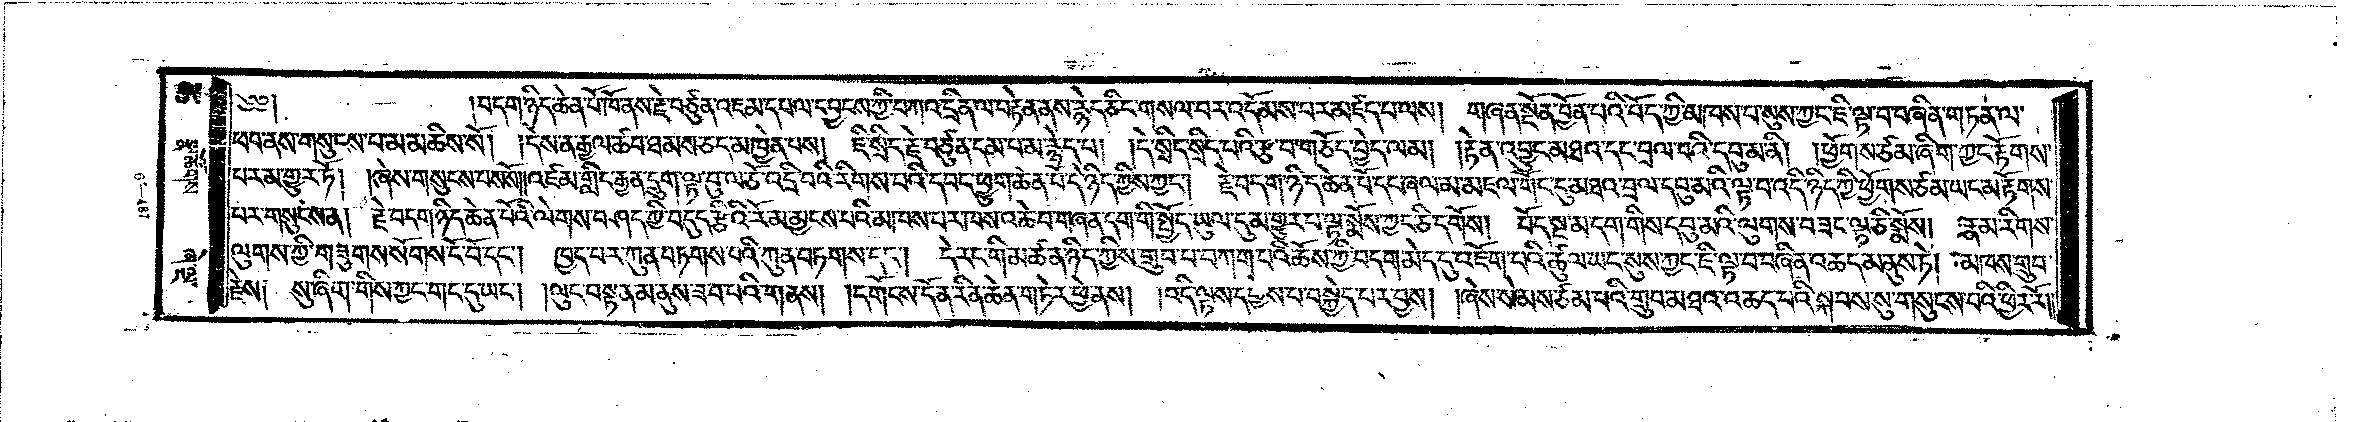༄༅། །བདག་ཉིད་ཆེན་པོ་ཁོ་ནས་རྗེ་བཙུན་འཇམ་དཔལ་དབྱངས་ཀྱི་བཀའ་དྲིན་ལ་བརྟེན་ནས་རྙེད་ཅིང་གསལ་བར་འདོམས་པར་མཛད་པ་ལས། གཞན་སྔོན་བྱོན་པའི་བོད་ཀྱི་མཁས་པ་སུས་ཀྱང་ཇི་ལྟ་བ་བཞིན་གཏན་ལ་
ཕབ་ནས་གསུངས་པ་མ་མཆིས་སོ། །དེས་ན་རྒྱལ་ཚབ་ཐམས་ཅད་མཁྱེན་པས། ཇི་སྲིད་རྗེ་བཙུན་དམ་པ་མ་རྙེད་པ། །དེ་སྲིད་སྲིད་པའི་རྩ་བ་གཅོད་བྱེད་ལམ། །རྟེན་འབྱུང་མཐའ་དང་བྲལ་བའི་དབུ་མ་ནི། །ཕྱོགས་ཙམ་ཞིག་ཀྱང་རྟོགས་
པར་མ་གྱུར་ཏོ། །ཞེས་གསུངས་པས་སོ། །འཛམ་གླིང་རྒྱན་དྲུག་ལྟ་བུ་ལ་ཅོ་འདྲི་བའི་རིགས་པའི་དབང་ཕྱུག་ཆེན་པོ་དེ་ཉིད་ཀྱིས་ཀྱང་། རྗེ་བདག་ཉིད་ཆེན་པོ་དང་ཞལ་མ་མཇལ་གོང་དུ་མཐའ་བྲལ་དབུ་མའི་ལྟ་བ་འདི་ཉིད་ཀྱི་ཕྱོགས་ཙམ་ཡང་མ་རྟོགས་
པར་གསུངས་ན། རྗེ་བདག་ཉིད་ཆེན་པོའི་ལེགས་བཤད་ཀྱི་བདུད་རྩིའི་རོ་མ་མྱངས་པའི་མཁས་པར་ཁས་འཆེ་བ་གཞན་དག་གི་སྤྱོད་ཡུལ་དུ་མ་གྱུར་པ་ལྟ་སྨོས་ཀྱང་ཅི་དགོས། བོད་སྔ་མ་དག་གིས་དབུ་མའི་ལུགས་བཟང་ལྟ་ཅི་སྨོས། རྣམ་རིགས་
ལུགས་ཀྱི་གཟུགས་སོགས་ངོ་བོ་དང་། ཁྱད་པར་ཀུན་བཏགས་པའི་ཀུན་བཏགས་དང་། དེ་རང་གི་མཚན་ཉིད་ཀྱིས་གྲུབ་པ་བཀག་པའི་ཆོས་ཀྱི་བདག་མེད་དུ་འཇོག་པའི་ཚུལ་ཡང་སུས་ཀྱང་ཇི་ལྟ་བ་བཞིན་འཆད་མ་ནུས་ཏེ། མཁས་གྲུབ་
རྗེས༑ སུ་ཞིག་གིས་ཀྱང་གང་དུ་ཡང་། །ལུང་བསྟན་མ་ནུས་ཟབ་པའི་གནས། །དགོངས་དོན་རིན་ཆེན་གཏེར་ཕྱེ་ནས། །འདི་ལྟས་དགྱེས་བ་བསྐྱེད་པར་བྱས། །ཞེས་སེམས་ཙམ་པའི་གྲུབ་མཐའ་འཆད་པའི་སྐབས་སུ་གསུངས་པའི་ཕྱིར་རོ།།